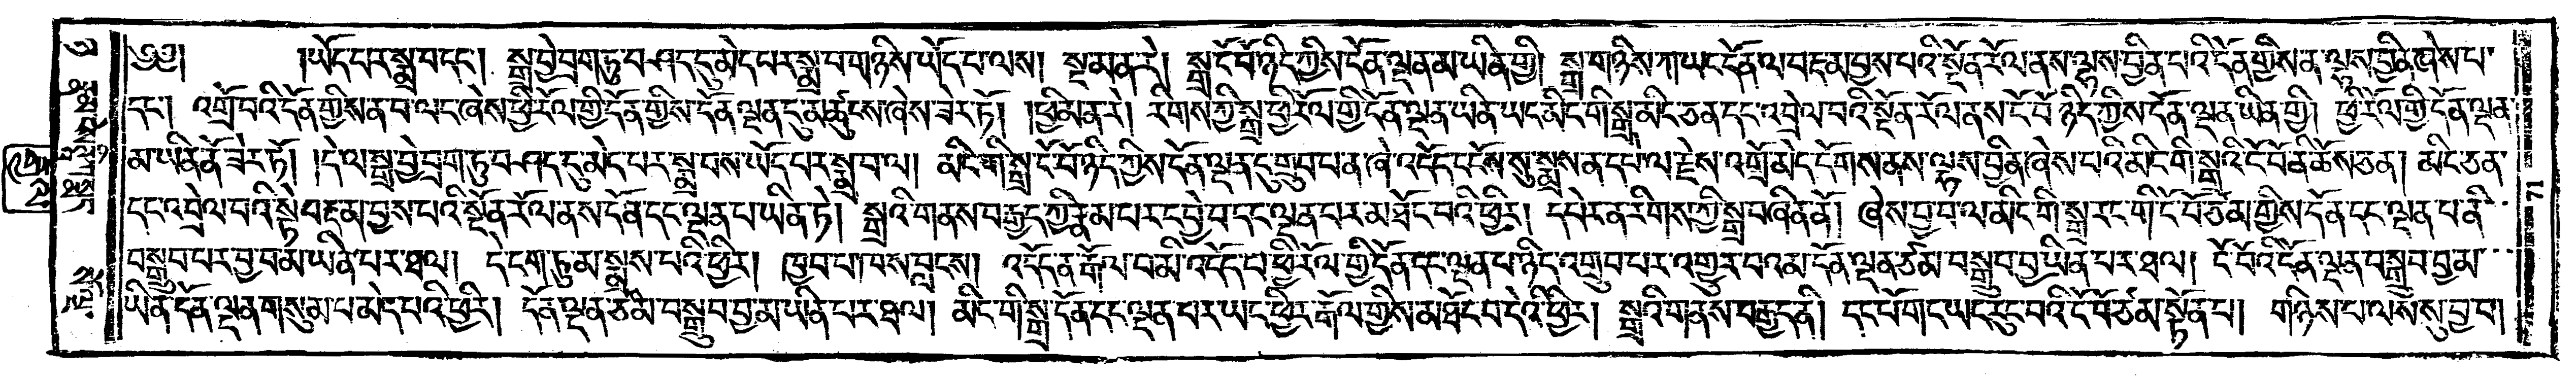༄༅། །ཡོད་པར་སྨྲ་བ་དང་། སྒྲ་བྱེ་བྲག་ཏུ་བཤད་དུ་མེད་པར་སྨྲ་བ་གཉིས་ཡོད་པ་ལས། སྔ་མ་ན་རེ། སྒྲ་ངོ་བོ་ཉིད་ཀྱིས་དོན་ལྡན་མ་ཡིན་གྱི། སྒྲ་གཉིས་ཀ་ཡང་དོན་ལ་བརྡ་མ་བྱས་པའི་སྔོན་རོལ་ནས་ལྷས་བྱིན་པའི་དོན་གྱིས་ན་ལྷས་བྱིན་ཞེས་པ་
དང་། འགྲོ་བའི་དོན་གྱིས་ན་བ་ལང་ཞེས་ཕྱི་རོལ་གྱི་དོན་གྱིས་དོན་ལྡན་དུ་མཚུངས་ཞེས་ཟེར་ཏོ། །ཕྱི་མ་ན་རེ། རིགས་ཀྱི་སྒྲ་ཕྱི་རོལ་གྱི་དོན་ལྡན་ཡིན་ཡང་མིང་གི་སྒྲ་མིང་ཅན་དང་འབྲེལ་བའི་སྔོན་རོལ་ནས་ངོ་བོ་ཉིད་ཀྱིས་དོན་ལྡན་ཡིན་གྱི། ཕྱི་རོལ་གྱི་དོན་ལྡན་
མ་ཡིན་ནོ་ཟེར་ཏོ། །དེ་ལ་སྒྲ་བྱེ་བྲག་ཏུ་བཤད་དུ་མེད་པར་སྨྲ་བས་ཡོད་པར་སྨྲ་བ་ལ། མིང་གི་སྒྲ་ངོ་བོ་ཉིད་ཀྱིས་དོན་ལྡན་དུ་གྲུབ་པ་ན་ཞེ་འདོད་དངོས་སུ་སྨྲས་ན་དཔལ་རྗེས་འགྲོ་མེད་དོགས་ནས་ལྷས་བྱིན་ཞེས་པའི་མིང་གི་སྒྲའི་ངོ་བོ་ནི་ཆོས་ཅན། མིང་ཅན་
དང་འབྲེལ་བའི་སྟེ་བརྡ་མ་བྱས་པའི་སྔོན་རོལ་ནས་དོན་དང་ལྡན་པ་ཡིན་ཏེ། སྒྲའི་གནས་བརྒྱད་ཀྱི་རྣམ་པར་དབྱེ་བ་དང་ལྡན་པར་མཐོང་བའི་ཕྱིར། དཔེར་ན་རིགས་ཀྱི་སྒྲ་བཞིན་ནོ། ཞེས་བྱ་བ་ལ་མིང་གི་སྒྲ་རང་གི་ངོ་བོ་ཙམ་གྱིས་དོན་དང་ལྡན་པ་ནི་
བསྒྲུབ་པར་བྱ་བ་མ་ཡིན་པར་ཐལ། དེ་ངག་ཏུ་མ་སྨྲས་པའི་ཕྱིར། ཁྱབ་པ་ཁས་བླངས། འདོད་ན་རྒོལ་བ་མི་འདོད་པ་ཕྱི་རོལ་གྱི་དོན་དང་ལྡན་པ་ཉིད་འགྲུབ་པར་འགྱུར་བའམ་དོན་ལྡན་ཙམ་བསྒྲུབ་བྱ་ཡིན་པར་ཐལ། ངོ་བོའི་དོན་ལྡན་བསྒྲུབ་བྱ་མ་
ཡིན་དོན་ལྡན་གསུམ་པ་མེད་པའི་ཕྱིར། དོན་ལྡན་ཙམ་བསྒྲུབ་བྱ་མ་ཡིན་པར་ཐལ། མིང་གི་སྒྲ་དོན་དང་ལྡན་པར་ཡང་ཕྱིར་རྒོལ་གྱིས་མཐོང་བ་དེའི་ཕྱིར། སྒྲའི་གནས་བརྒྱད་ནི། དང་པོ་གང་ཡང་རུང་བའི་ངོ་བོ་ཙམ་སྟོན་པ། གཉིས་པ་ལས་སུ་བྱ་བ།